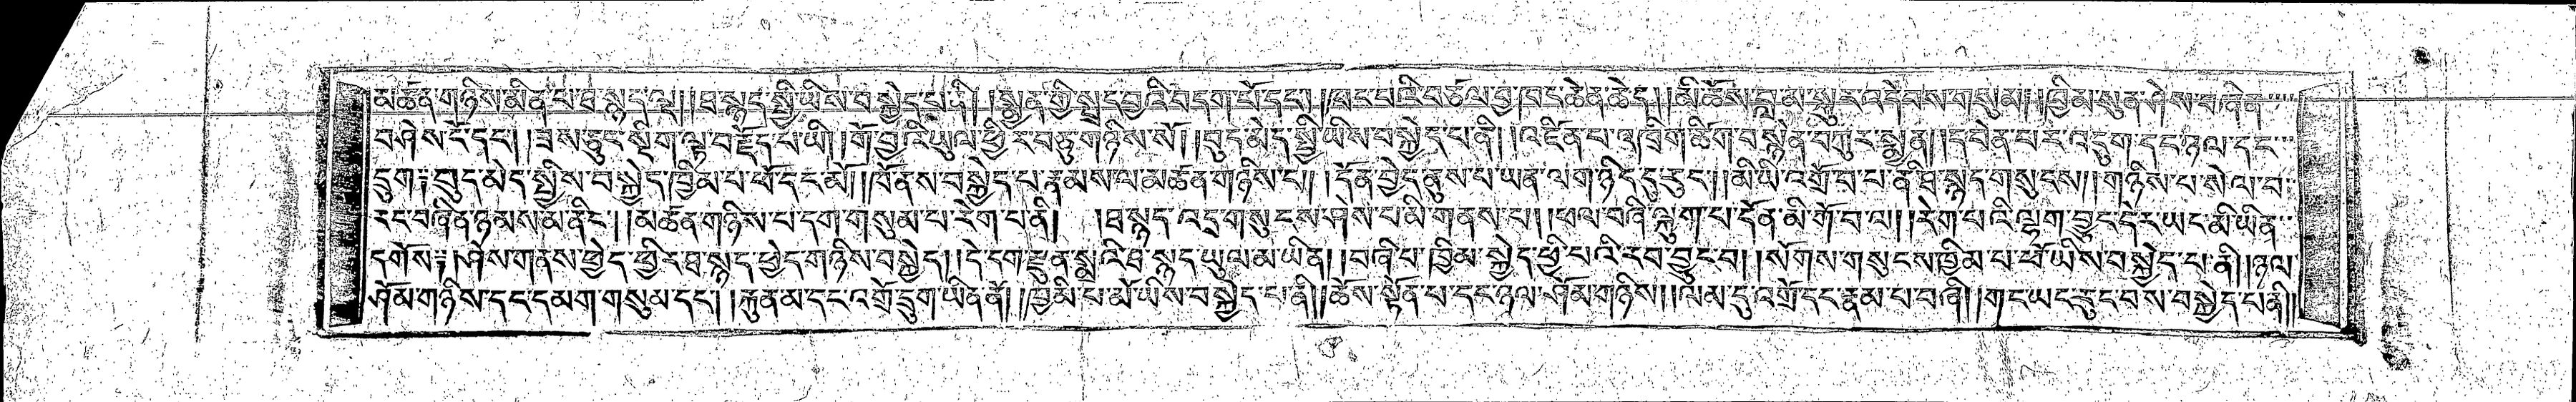མཚན་གཉིས་མིན་པ་ཐ་སྙད་ལྔ། །ཐ་སྙད་སྤྱི་ཡིས་བསྐྱེད་པ་ནི། །སྨྱན་གྱི་སྤྲང་བྱའི་བདག་པོ་དང་། །ཁང་པའི་བཙལ་བྱ་ཁང་ཆེན་ཆེད། །མི་ཆོས་བླ་མ་སྐུར་འདེབས་གསུམ། །ཁྱིམ་སུན་ཤེས་བཞིན་
བཤེས་ངོ་དང་། །ཟས་ཅུང་སྡིག་ལྟ་བརྗོད་པ་ཡི། །གོ་བྱའི་ཡུལ་ཕྱིར་བཅུ་གཉིས་སོ། །བུད་མེད་སྤྱི་ཡིས་བསྐྱེད་པ་ནི། །འཛིན་པ་འཁྲིག་ཚིག་བསྙེན་བཀུར་སྨྱན། །དབེན་པར་འདུག་དང་ཉལ་དང་
དྲུག ༑བུད་མེད་སྤྱིས་བསྐྱེད་ཁྱིམ་པ་ཕོ་དང་མོ། །ཁོ་ནས་བསྐྱེད་པ་རྣམས་ལ་མཚན་གཉིས་པ། །དོན་བྱེད་ནུས་པ་ཡན་ལག་ཉིད་དུ་རུང་། །མི་ཡི་འགྲོ་བ་པ་ནི་ཐ་སྙད་གསུངས། །གཉིས་པ་སེལ་བ་
རང་བཞིན་ཉམས་མ་ནིང་། །མཚན་གཉིས་པ་དག་གསུམ་པ་རེག་པ་ནི། །ཐ་སྙད་འདྲ་གསུངས་ཤེས་པ་མི་གནས་པ། །ཕལ་བཞི་ལྐུག་པ་དོན་མི་གོ་བ་ལ། །རེག་པའི་ལྷག་བྱུང་དེར་ཡང་མི་ཡིན་
དགོས༑ །ཤེས་གནས་ཕྱེད་ཕྱིར་ཐ་སྙད་ཕྱེད་གཉིས་བསྐྱེད། །དེ་དག་རྫུན་སྨྲའི་ཐ་སྙད་ཡུལ་མ་ཡིན། །བཞི་པ་ཁྱིམ་སྐྱེད་ཕྱི་པའི་རབ་བྱུང་བ། །སོགས་གསུངས་ཁྱིམ་པ་ཕོ་ཡིས་བསྐྱེད་པ་ནི། །ཉལ་
ཤོམ་གཉིས་དང་དམག་གསུམ་དང་། །རྐུན་མ་དང་འགྲོ་དྲུག་ཡིན་ནོ། །ཁྱིམ་པ་མོ་ཡིས་བསྐྱེད་པ་ནི། །ཆོས་སྟོན་པ་དང་ཉལ་ཤོམ་གཉིས། །ལམ་དུ་འགྲོ་དང་རྣམ་པ་བཞི། །གང་ཡང་རུང་བས་བསྐྱེད་པ་ནི། །